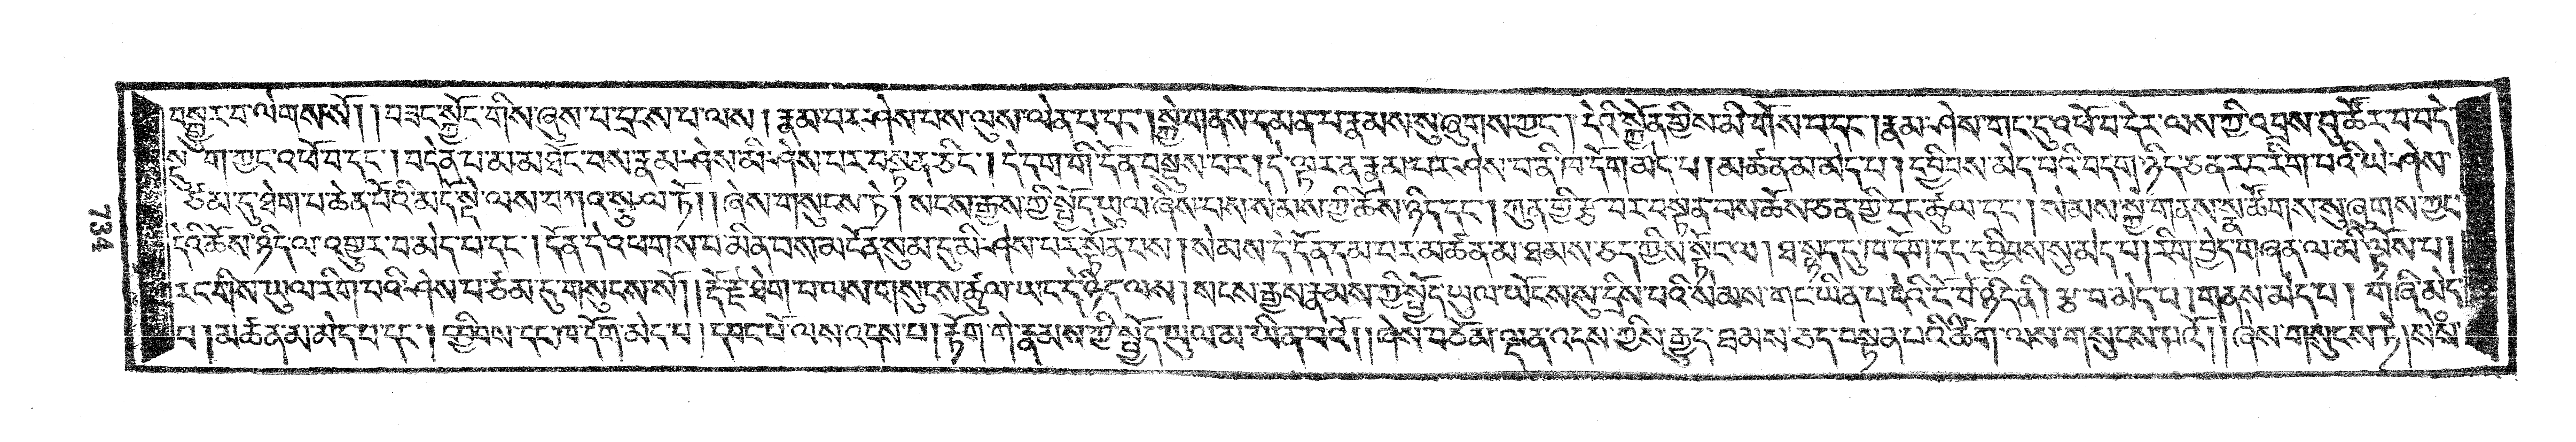བསྒྱུར་བ་ལེགས་སོ། །བཟང་སྐྱོང་གིས་ཞུས་པ་དྲངས་པ་ལས། རྣམ་པར་ཤེས་པས་ལུས་ལེན་པ་དང་། སྐྱེ་གནས་དམན་པ་རྣམས་སུ་ཞུགས་ཀྱང་། དེའི་སྐྱོན་གྱིས་མི་གོས་པ་དང་། རྣམ་ཤེས་གང་དུ་འཕོ་བ་དེར་ལས་ཀྱི་འབྲས་བུ་ཚོར་བ་བདེ་
སྡུག་ཀྱང་འཕོ་བ་དང་། བདེན་པ་མ་མཐོང་བས་རྣམ་ཤེས་མི་ཤེས་པར་བསྟན་ཅིང་། དེ་དག་གི་དོན་བསྡུས་པར། དེ་ལྟར་ན་རྣམ་པར་ཤེས་པ་ནི་ཁ་དོག་མེད་པ། མཚན་མ་མེད་པ། དབྱིབས་མེད་པའི་བདག་ཉིད་ཅན་རང་རིག་པའི་ཡེ་ཤེས་
ཙམ་དུ་ཐོག་པ་ཆེན་པོའི་མདོ་སྡེ་ལས་བཀའ་སྩལ་ཏོ། །ཞེས་གསུངས་ཏེ། སངས་རྒྱས་ཀྱི་སྤྱོད་ཡུལ་ཞེས་པས་སེམས་ཀྱི་ཆོས་ཉིད་དང་། ཀུན་གྱི་རྩ་བར་བསྟན་པས་ཆོས་ཅན་གྱི་ངང་ཚུལ་དང་། སེམས་སྐྱེ་གནས་སྣ་ཚོགས་སུ་ཞུགས་ཀྱང་
དེའི་ཆོས་ཉིད་ལ་འགྱུར་བ་མེད་པ་དང་། དོན་དེ་འཕགས་པ་མིན་པས་མངོན་སུམ་དུ་མི་ཤེས་པར་སྟོན་པས། སེམས་དེ་དོན་དམ་པར་མཚན་མ་ཐམས་ཅད་ཀྱིས་སྟོང་ལ། ཐ་སྙད་དུ་ཁ་དོག་དང་དབྱིབས་སུ་མེད་པ། རིག་བྱེད་གཞན་ལ་མི་ལྟོས་པ།
རང་གིས་ཡུལ་རིག་པའི་ཤེས་པ་ཙམ་དུ་གསུངས་སོ། །རྡོ་རྗེ་ཐེག་པ་ལས་གསུངས་ཚུལ་ཡང་དེ་ཉིད་ལས། སངས་རྒྱས་རྣམས་ཀྱི་སྤྱོད་ཡུལ་ཡོངས་སུ་དྲིས་པའི་སེམས་གང་ཡིན་པ་དེའི་ངོ་བོ་ཉིད་ནི། རྩ་བ་མེད་པ། གནས་མེད་པ། གཞི་མེད་
པ། མཚན་མ་མེད་པ་དང་། དབྱིབས་དང་ཁ་དོག་མེད་པ། དབང་པོ་ལས་འདས་པ། རྟོག་གེ་རྣམས་ཀྱི་སྤྱོད་ཡུལ་མ་ཡིན་པའོ། །ཞེས་བཅོམ་ལྡན་འདས་ཀྱིས་རྒྱུད་ཐམས་ཅད་བསྟན་པའི་ཚིག་ལས་གསུངས་པའོ། །ཞེས་གསུངས་ཏེ། སེམས་